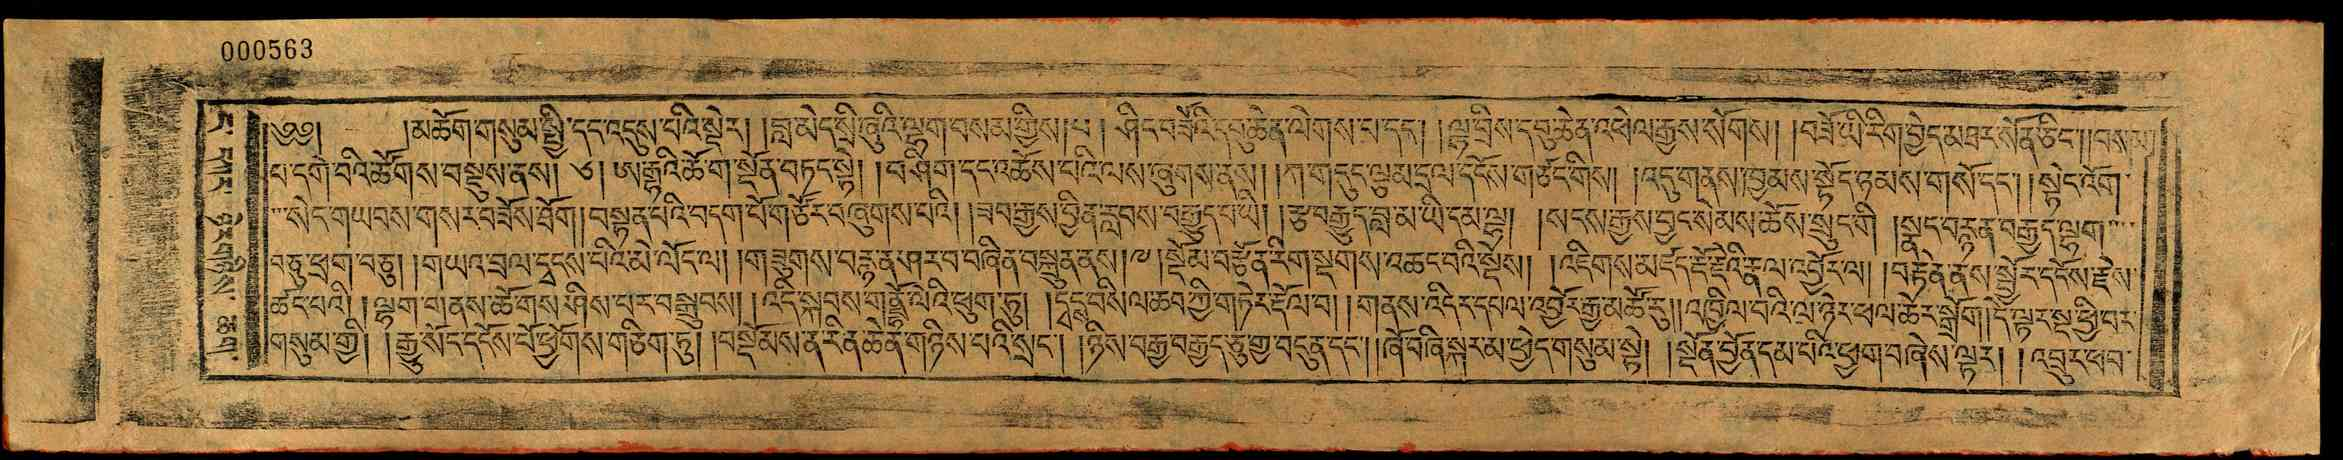༄༅། །མཆོག་གསུམ་སྤྱི་དང་འདུས་པའི་སྡེར། །བླ་མེད་སྲི་ཞུའི་ལྷག་བསམ་གྱིས། ༥་།ཤིང་བཟོའི་དབུ་ཆེན་ལེགས་པ་དང་། །ལྷ་བྲིས་དབུ་ཆེན་འཕེལ་རྒྱས་སོགས། །བཟོ་ཡི་རིག་བྱེད་མཐར་སོན་ཅིང་། །བསམ་
པ་དགེ་བའི་ཚོགས་བསྡུས་ནས། ༦་།ཨརྒྷའི་ཆོ་ག་སྔོན་བཏང་སྟེ། བཤིག་དང་འཆོས་པའི་ལས་ཞུགས་ནས། །ཀ་གདུང་ལྕམ་དྲལ་དངོས་གཙང་གིས། །འདུ་གནས་ཁྱམས་སྟོད་ཉམས་གསོ་དང་། །སྟེང་འོག་
་་་སེང་གཡབས་གསར་བཟོས་ཐོག །བསྟན་པའི་བདག་པོ་གཙོར་བཞུགས་པའི། །ཟབ་རྒྱས་བྱིན་རླབས་བརྒྱུད་པ་ཡི། །རྩ་བརྒྱུད་བླ་མ་ཡི་དམ་ལྷ། །སངས་རྒྱས་བྱང་སེམས་ཆོས་སྲུང་གི། །སྣང་བརྙན་བརྒྱད་ལྷག་
བཅུ་ཕྲག་བཅུ། །གཡའ་བྲལ་དྭངས་པའི་མེ་ལོང་ལ། །གཟུགས་བརྙན་ཤར་བ་བཞིན་བསྐྲུན་ནས། ༧་།སྡོམ་བརྩོན་རིག་སྔགས་འཆང་བའི་སྡེས། །འཇིགས་མཛད་རྡོ་རྗེའི་རྣལ་འབྱོར་ལ། །བརྟེན་ནས་སྦྱོར་དངོས་རྗེས་
ཚང་བའི། །ལྷག་གནས་ཆོ་གས་ཤིས་པར་བསྒྲུབས། །འདི་སྐབས་གནྡྷོ་ལའི་ཕུག་ཏུ། །དྭངས་བསིལ་ཆབ་ཀྱི་གཏེར་རྡོལ་བ། གནས་འདིར་དཔལ་འབྱོར་རྒྱ་མཚོ་རུ། །འཁྱིལ་བའི་ལ་ཉེར་ཕལ་ཆེར་སྒྲོག །དེ་ལྟར་སྔ་ཕྱི་བར་
གསུམ་གྱི། །རྒྱུ་སོང་དངོས་པོ་ཕྱོགས་གཅིག་ཏུ། །བསྡོམས་ན་རིན་ཆེན་གཉིས་པའི་སྲང་། །ཉིས་བརྒྱ་བརྒྱད་ཅུ་གྱ་བདུན་དང་། །ཞོ་བཞི་སྐར་མ་ཕྱེད་གསུམ་སྟེ། །སྔོན་བྱོན་དམ་པའི་ཕྱག་བཞེས་ལྟར། །འབྲུར་ཕབ་